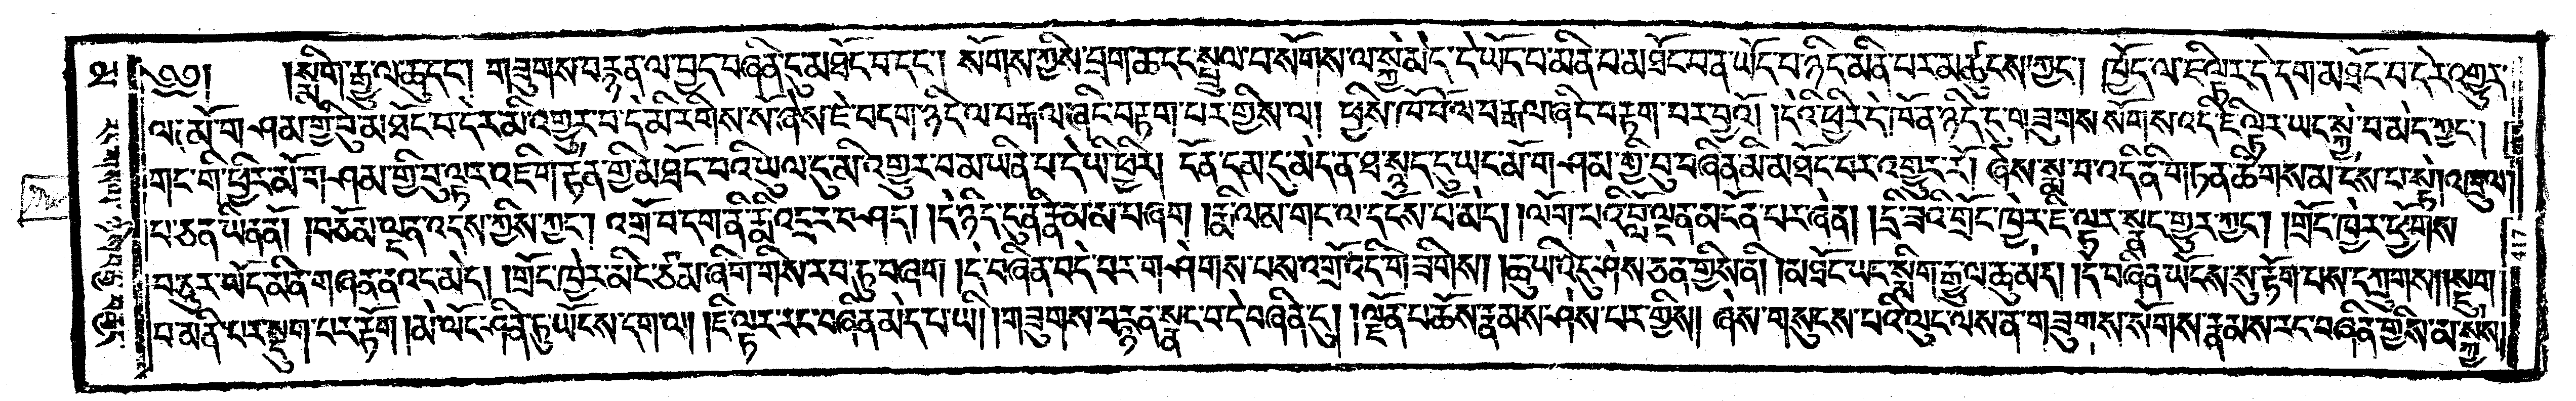༄༅། །སྨིག་རྒྱུ་ལ་ཆུ་དང་། གཟུགས་བརྙན་ལ་བྱད་བཞིན་དུ་མཐོང་བ་དང་། སོགས་ཀྱིས་བྲག་ཆ་དང་སྤྲུལ་པ་སོགས་ལ་སྐྱེ་མེད་དེ་ཡོད་པ་མིན་པ་མཐོང་བ་ན་ཡོད་པ་ཉིད་མིན་པར་མཚུངས་ཀྱང་། ཁྱོད་ལ་ཇི་ལྟར་དེ་དག་མཐོང་བ་དེར་འགྱུར་
ལ༑ མོ་གཤམ་གྱི་བུ་མཐོང་བ་དེར་མི་འགྱུར་བ་དེ་མི་རིགས་སོ་ཞེས་ཇེ་བདག་ཉིད་ལ་བརྒལ་ཞིང་བརྟག་པར་གྱིས་ལ། ཕྱིས་ཁོ་བོ་ལ་བརྒལ་ཞིང་བརྟག་པར་བྱའོ། །དེའི་ཕྱིར་དེ་ཁོ་ན་ཉིད་དུ་གཟུགས་སོགས་འདི་ཇི་ལྟར་ཡང་སྐྱེ་བ་མེད་ཀྱང་།
གང་གི་ཕྱིར་མོ་གཤམ་གྱི་བུ་ལྟར་འཇིག་རྟེན་གྱི་མཐོང་བའི་ཡུལ་དུ་མི་འགྱུར་བ་མ་ཡིན་པ་དེ་ཡི་ཕྱིར། དོན་དམ་དུ་མེད་ན་ཐ་སྙད་དུ་ཡང་མོ་གཤམ་གྱི་བུ་བཞིན་མི་མཐོང་བར་འགྱུར་རོ། ཞེས་སྨྲ་བ་འདི་ནི་གཏན་ཚིགས་མ་ངེས་པ་སྟེ། འཁྲུལ་
པ་ཅན་ཡིན་ནོ། །བཅོམ་ལྡན་འདས་ཀྱིས་ཀྱང་། འགྲོ་བ་དག་ནི་རྨི་འདྲར་བཤད། །དེ་ཉིད་དུ་ནི་རྣམ་མ་བཞག །རྨི་ལམ་གང་ལ་དངོས་པོ་མེད། །ལོག་པའི་བློ་ལྡན་མངོན་པར་ཞེན། །དྲི་ཟའི་གྲོང་ཁྱེར་ཇི་ལྟར་སྣང་གྱུར་ཀྱང་། །གྲོང་ཁྱེར་ཕྱོགས་
བཅུར་ཡོད་མིན་གཞན་ནའང་མེད། །གྲོང་ཁྱེར་མིང་ཙམ་ཞིག་གིས་རབ་ཏུ་བཞག །དེ་བཞིན་བདེ་བར་གཤེགས་པས་འགྲོ་འདི་གཟིགས། །ཆུ་ཡི་འདུ་ཤེས་ཅན་གྱིས་ནི། །མཐོང་ཡང་སྨིག་རྒྱུ་ལ་ཆུ་མེད། །དེ་བཞིན་ཡོངས་སུ་རྟོག་པས་དཀྲུགས། །སྡུག་
པ་མིན་པར་སྡུག་པར་རྟོག །མེ་ལོང་ཤིན་ཏུ་ཡོངས་དག་ལ། །ཇི་ལྟར་རང་བཞིན་མེད་པ་ཡི། །གཟུགས་བརྙན་སྣང་བ་དེ་བཞིན་དུ། །ལྗོན་པ་ཆོས་རྣམས་ཤེས་པར་གྱིས། ཞེས་གསུངས་པའི་ལུང་ལས་ན་གཟུགས་སོགས་རྣམས་རང་བཞིན་གྱིས་མ་སྐྱེས་